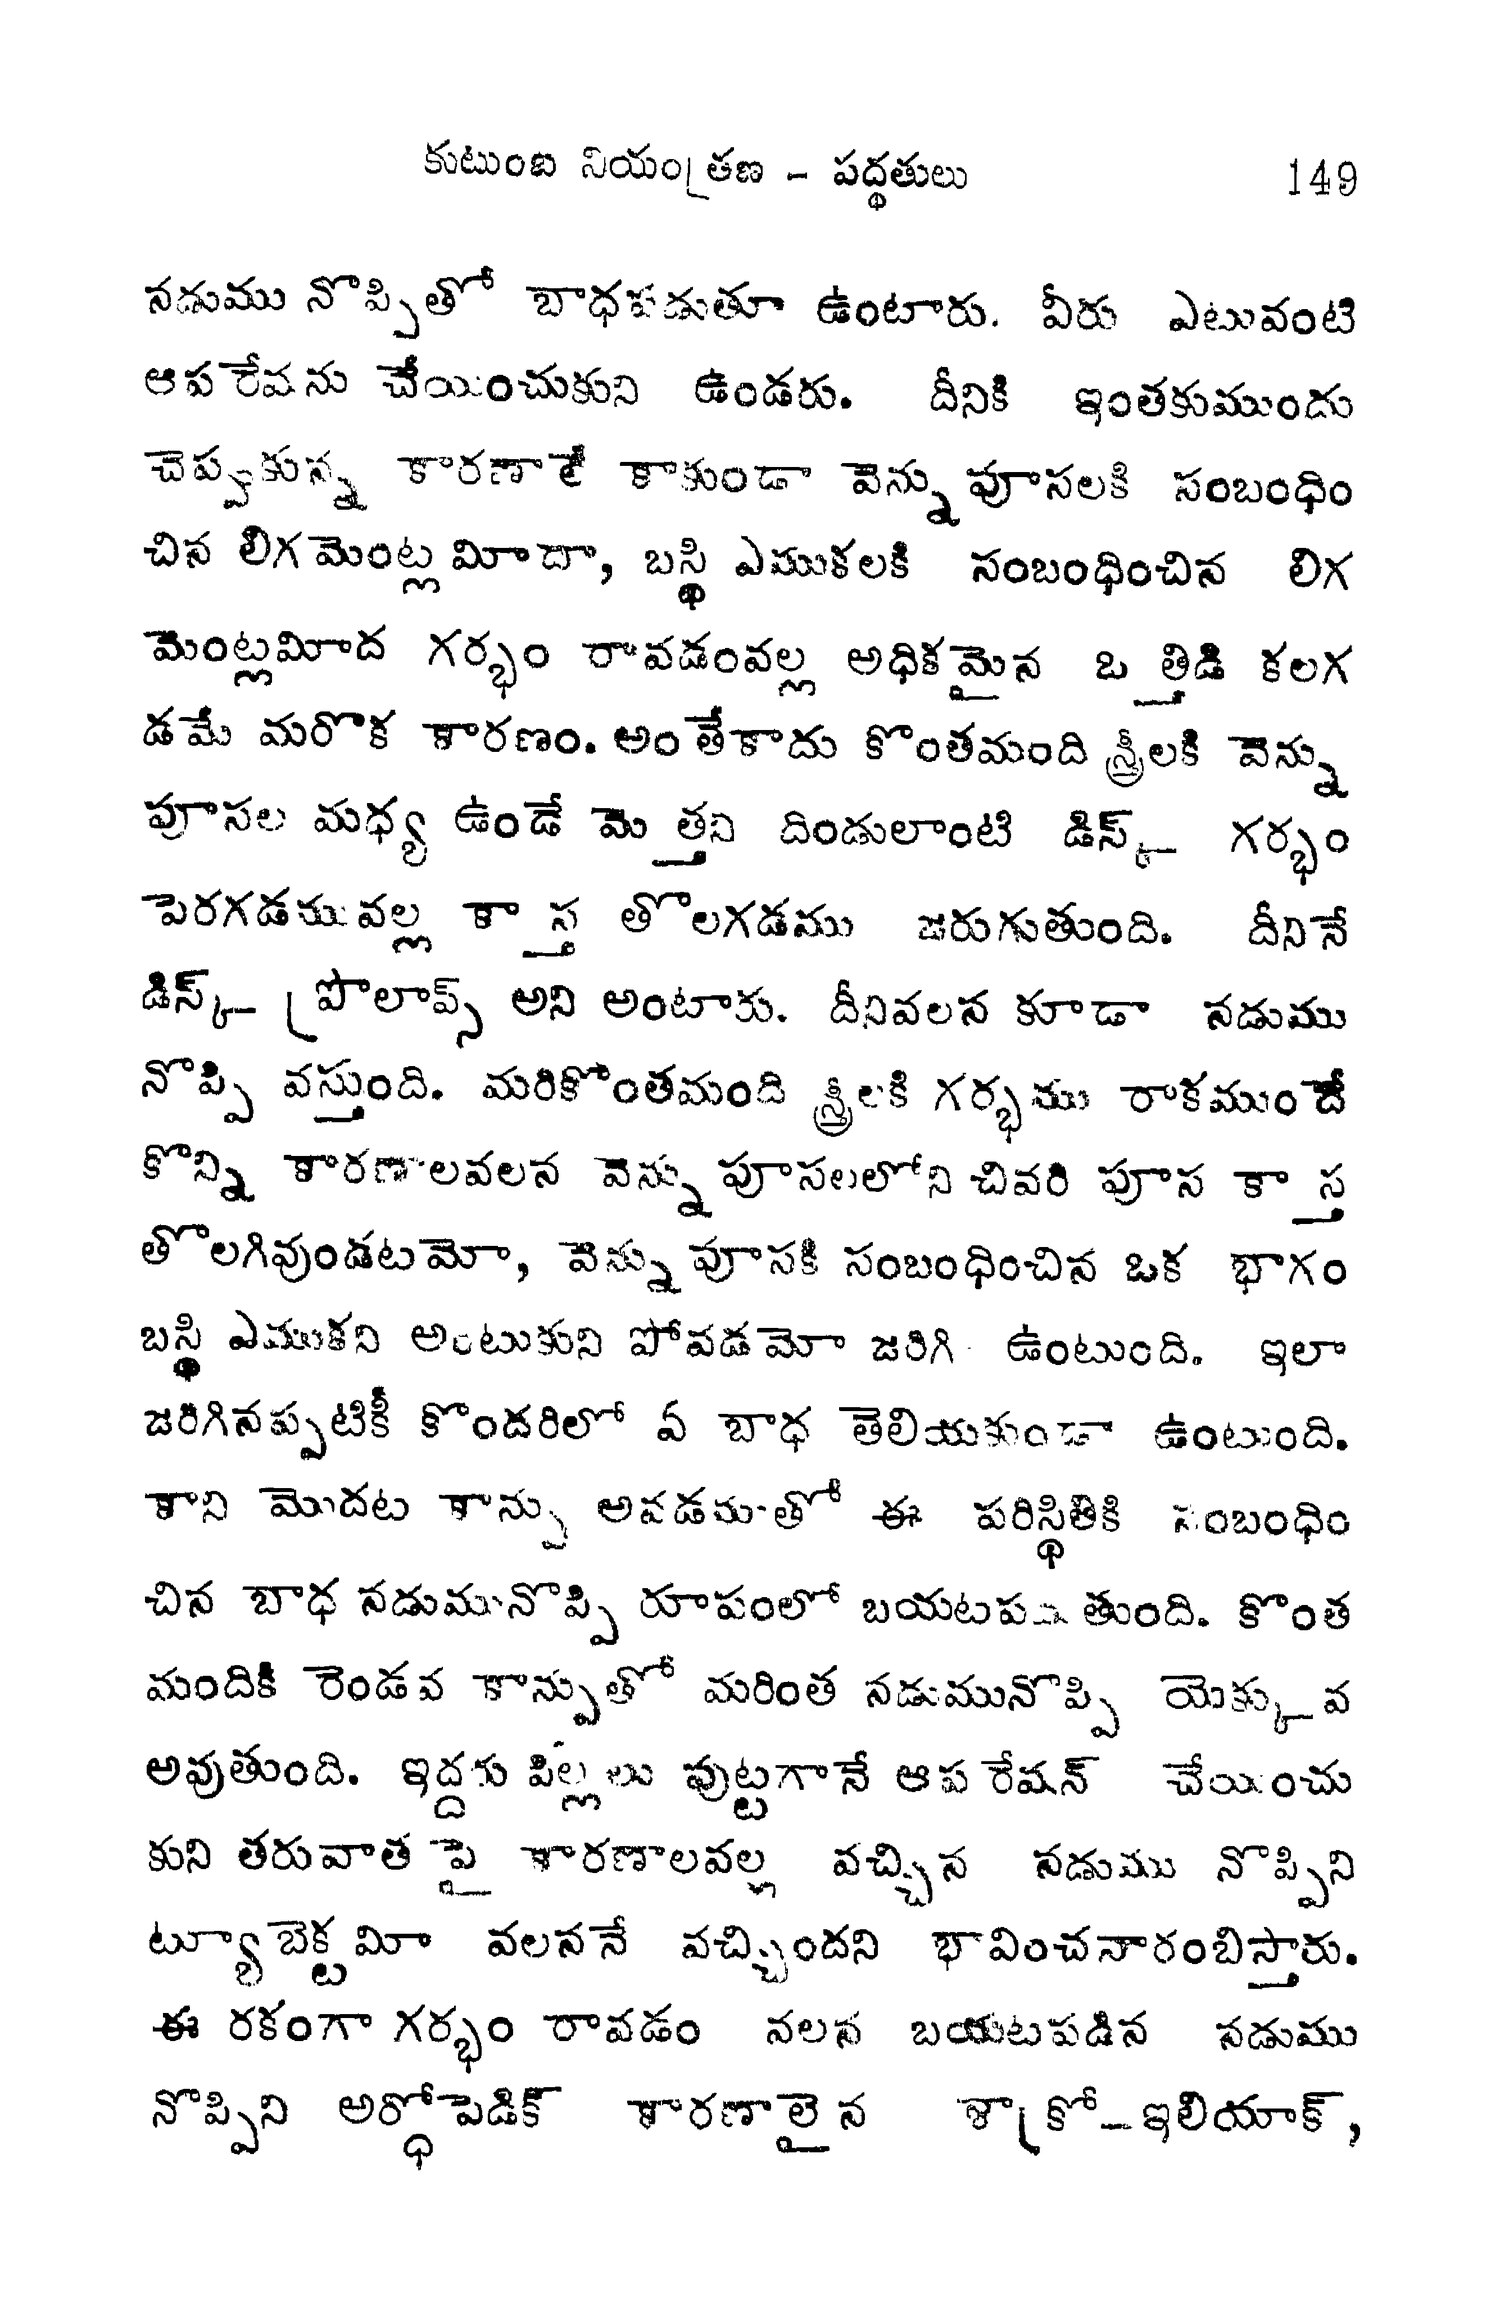నడుము నొప్పితో బాధపడుతూ ఉంటారు. వీరు ఎటువంటి ఆపరేషను చేయించుకుని ఉండరు. దీనికి ఇంతకుముందు చెప్పుకున్న కారణాలే కాకుండా వెన్నుపూసలకి సంబంధంచిన లిగమెంట్ల మీదా, బస్థి ఎముకలకి సంబంధించిన లిగమెంట్లమీద గర్భం రావడంవల్ల అధికమైన ఒత్తిడి కలగడమే మరొక కారణం. అంతేకాదు కొంతమంది స్త్రీలకి వెన్ను పూసల మధ్య ఉండే మెత్తని దిండులాంటి డిస్క్ గర్భం పెరగడమువల్ల కాస్త తొలగడము జరుగుతుంది. దీనినే డిస్క్ ప్రొలాప్స్ అని అంటారు దీనివలన కూడా నడుము నొప్పి వస్తుంది. మరికొంతమంది స్త్రీలకి గర్భము రాకముందే కొన్ని కారణాలవలన వెన్నుపూసలలోని చివరి పూస కాస్త తోలగివుండటమో, వెన్నుపూసకి సంబందించిన ఒక భాగం బస్థి ఎముకని ఆంటుకుని పోవడమో జరిగి ఉంటుంది. ఇలా జరిగినప్పటికీ కొందరిలో ఏ బాధ తెలియకుండా ఉంటుంది. కాని మొదట కాన్పు అవడముతో ఈ పరిస్థితికి సంబంధించిన బాధ నడుమునొప్పి రూపంలో బయటపడుతుంది. కొంత మందికి రెండవ కాన్పుతో మరింత నడుమునొప్పి యెక్కువ అవుతుంది. ఇద్దరు పిల్లలు పుట్టగానే ఆపరేషన్ చేయించుకుని తరువాత పై కారణాలవల్ల వచ్చిన నడుము నొప్పిని ట్యూబెక్టమీ వలననే వచ్చిందని భావించనారంబిస్తారు. ఈ రకంగా గర్భం రావడం వలన బయటపడిన నడుమునొప్పిని ఆర్ధోపెడిక్ కారణాలైన శాక్రో-ఇలియాక్,